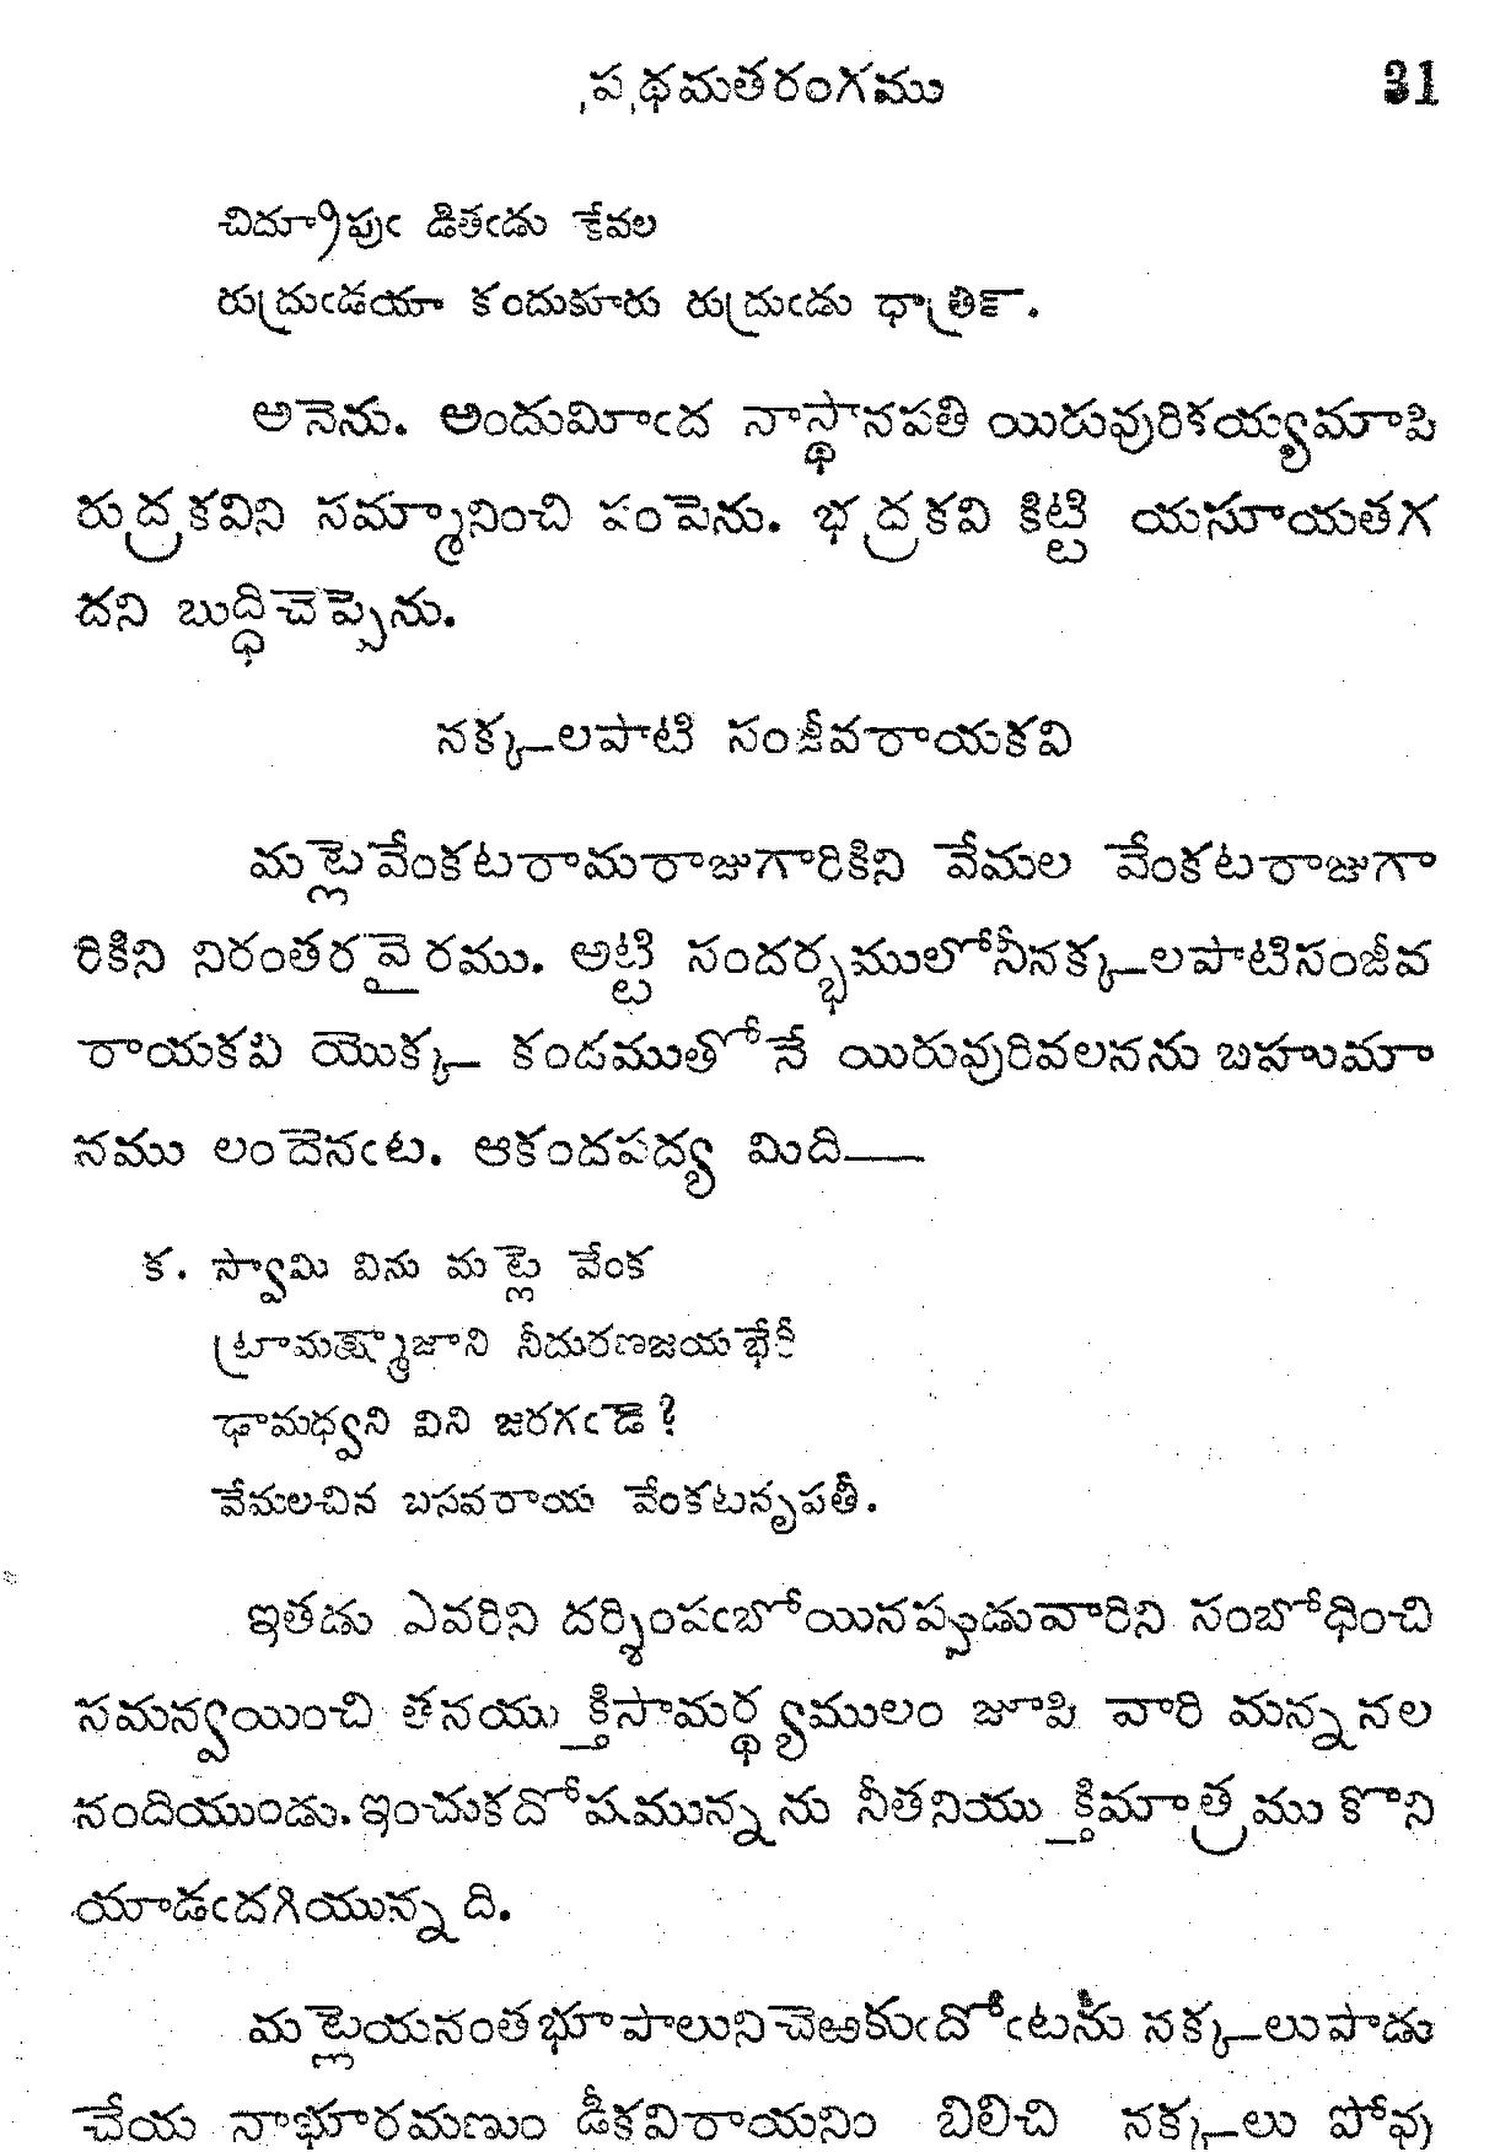చిద్రూపుఁ డితఁడు కేవల
 రుద్రుఁడయా కందుకూరు రుద్రుఁడు ధాత్రిన్.

అనెను. అందుమీఁద నాస్థానపతి యిరువురికయ్య మాపి రుద్రకవిని సమ్మానించి పంపెను. భద్రకవి కిట్టి యసూయ తగదని బుద్ధిచెప్పెను.

మట్లెవేంకటరామరాజుగారికిని వేమల వేంకటరాజుగారికిని నిరంతరవైరము. అట్టి సందర్భములో నీనక్కలపాటిసంజీవరాయకవి యొక్క కందముతోనే యిరువురివలనను బహుమానము లందెనఁట. ఆకందపద్య మిది—

క. స్వామి విను మట్లె వేంక
 ట్రామక్ష్మాజాని నీదురణజయభేరీ
 ఢామద్వని విని జరగఁడె?
 వేమలచిన బసవరాయ వేంకటనృపతీ.

ఇతఁడు ఎవరిని దర్శింపఁబోయినప్పుడు వారిని సంబోధించి సమన్వయించి తనయుక్తిసామర్థ్యములం జూపి వారి మన్ననల నందియుండు. ఇంచుకదోషమున్నను నీతనియుక్తిమాత్రము కొనియాడఁదగియున్నది.

మట్లెయనంతభూపాలుని చెఱకుఁదోఁటను నక్కలు పాడుచేయ నాభూరమణుం డీకవిరాయనిం బిలిచి నక్కలు పోవు